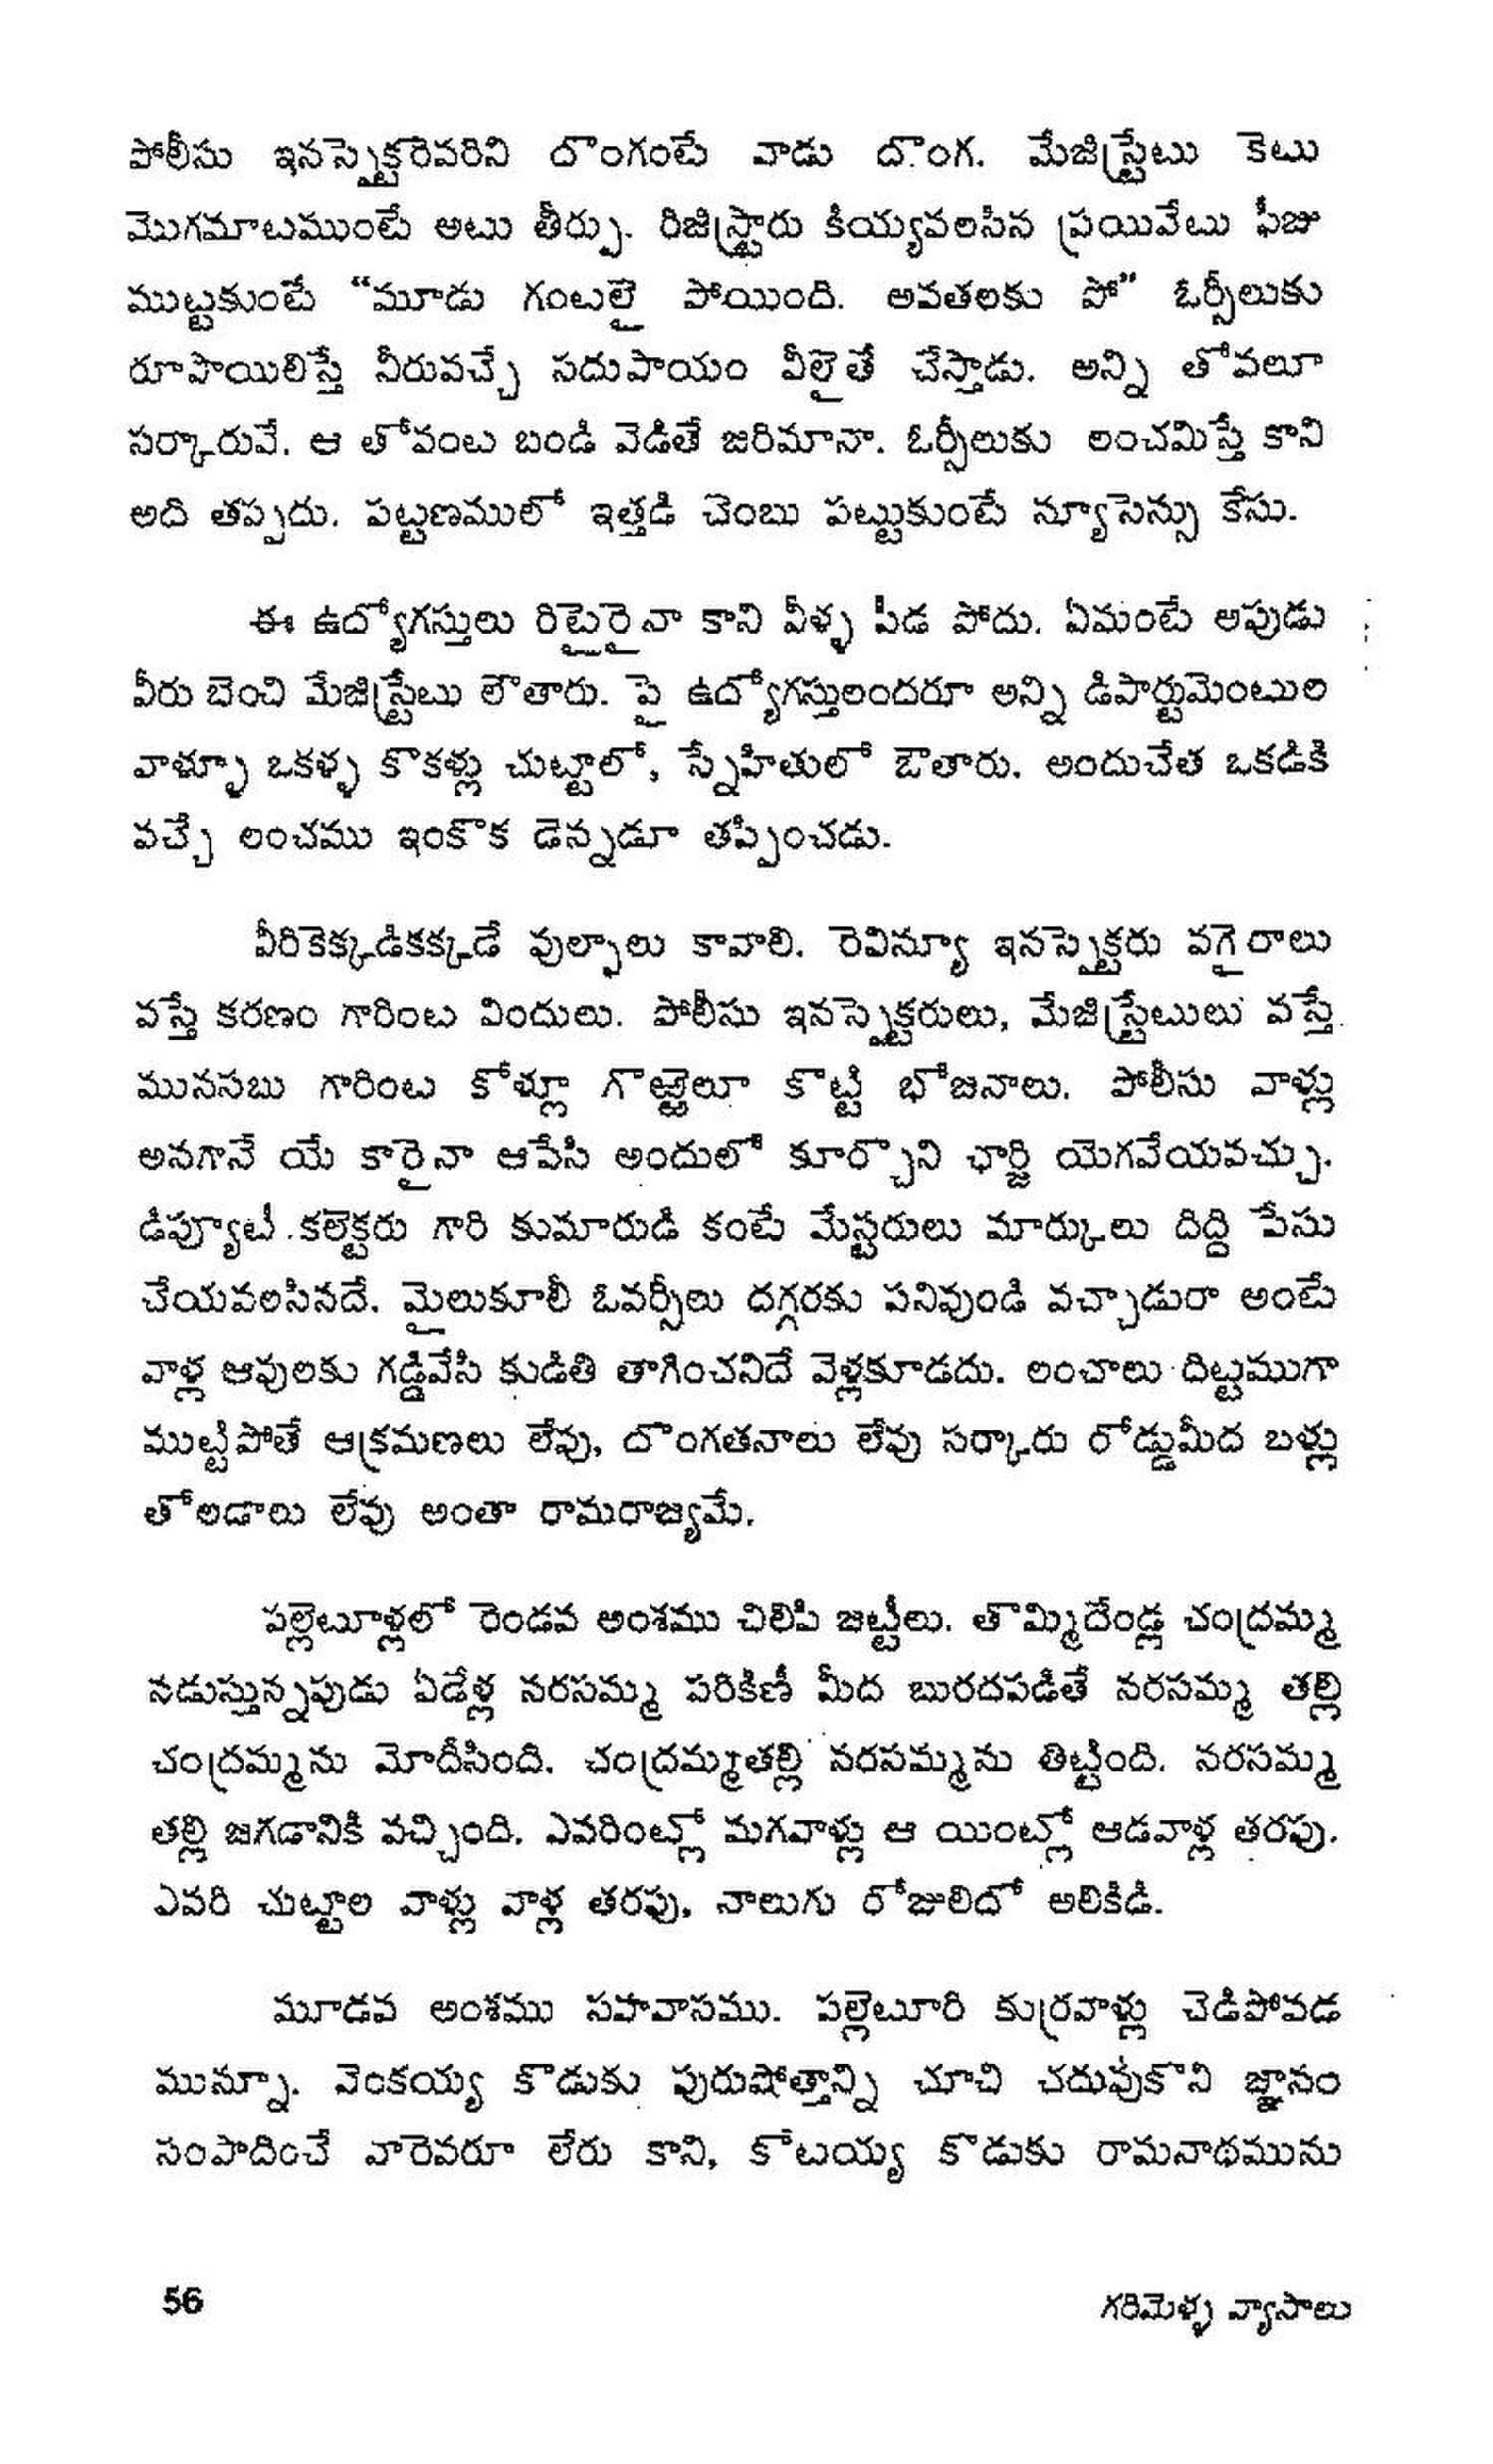పోలీసు ఇనస్పెక్టరెవరిని దొంగంటే వాడు దొంగ. మేజిస్ట్రేటు కెటు మొగమాటముంటే అటు తీర్పు. రిజిస్ట్రారు కియ్యవలసిన ప్రయివేటు ఫీజు ముట్టకుంటే "మూడు గంటలై పోయింది. అవతలకు పో" ఓర్సీలుకు రూపాయిలిస్తే నీరువచ్చే సదుపాయం వీలైతే చేస్తాడు. అన్ని తోవలూ సర్కారువే. ఆ తోపంట బండి వెడితే జరిమానా. ఓర్సీలుకు లంచమిస్తే కాని అది తప్పదు. పట్టణములో ఇత్తడి చెంబు పట్టుకుంటే న్యూసెన్సు కేసు.

ఈ ఉద్యోగస్తులు రిటైరైనా కాని వీళ్ళ పీడ పోదు. ఏమంటే అపుడు వాళ్ళూ ఒకళ్ళ కొకళ్ళు చుట్టాలో, స్నేహితులో ఔతారు. అందుచేత ఒకడికి వచ్చే లంచము ఇంకొక డెన్నడూ తప్పించడు.

వీరికెక్కడికక్కడే వుల్పాలు కావాలి. రెవిన్యూ ఇనస్పెక్టరు వగైరాలు వస్తే కరణం గారింట విందులు. పోలీసు ఇనస్పెక్టరులు, మేజిస్ట్రేటులు వస్తే మునసబు గారింట కోళ్లూ గొఱ్ఱెలూ కొట్టి భోజనాలు. పోలీసు వాళ్లు అనగానే యే కారైనా ఆపేసి అందులో కూర్చొని ఛార్జి యెగవేయవచ్చు. డెప్యూటీ కలెక్టరు గారి కుమారుడి కంటే మేస్టరులు మార్కులు దిద్ది పేసు చేయవలసినదే. మైలుకూలీ ఓవర్సీలు దగ్గరకు పనివుండి వచ్చాడురా అంటే వాళ్ల ఆవులకు గడ్డివేసి కుడితి తాగించనిదే వెళ్లకూడదు. లంచాలు దిట్టముగా ముట్టిపోతే ఆక్రమణలు లేవు. దొంగతనాలు లేవు సర్కారు రోడ్దుమీద బళ్లు తోలడలు లేవు అంతా రామరాజ్యమే.

పల్లెటూళ్లలో రెండవ అంశము చిలిపి జట్టీలు. తొమ్మిదేండ్ల చంద్రమ్మ నడుస్తున్నపుడు ఏడేళ్ల నరసమ్మ పరికిణీ మీద బురదపడితే నరసమ్మ తల్లి చంద్రమ్మను మోదీసింది. చంద్రమ్మతల్లి నరసమ్మను తిట్టింది. నరసమ్మ తల్లి జగడానికి వచ్చింది. ఎవరింట్లో మగవాళ్లు ఆ యింట్లో ఆడవాళ్ల తరపు. ఎవరి చుట్టాల వాళ్లు వాళ్ల తరపు. నాలుగు రోజులిదో అలికిడి.

మూడవ అంశము సహవాసము పల్లెటూరి కుర్రవాళ్లు చెడిపోవడమున్నూ, వెంకయ్య కొడుకు పురుషోత్తాన్ని చూచి చదువుకొని జ్ఞానం సంపాదించే వారెవరూ లేరు కాని, కోటయ్య కొడుకు రామనాథమును